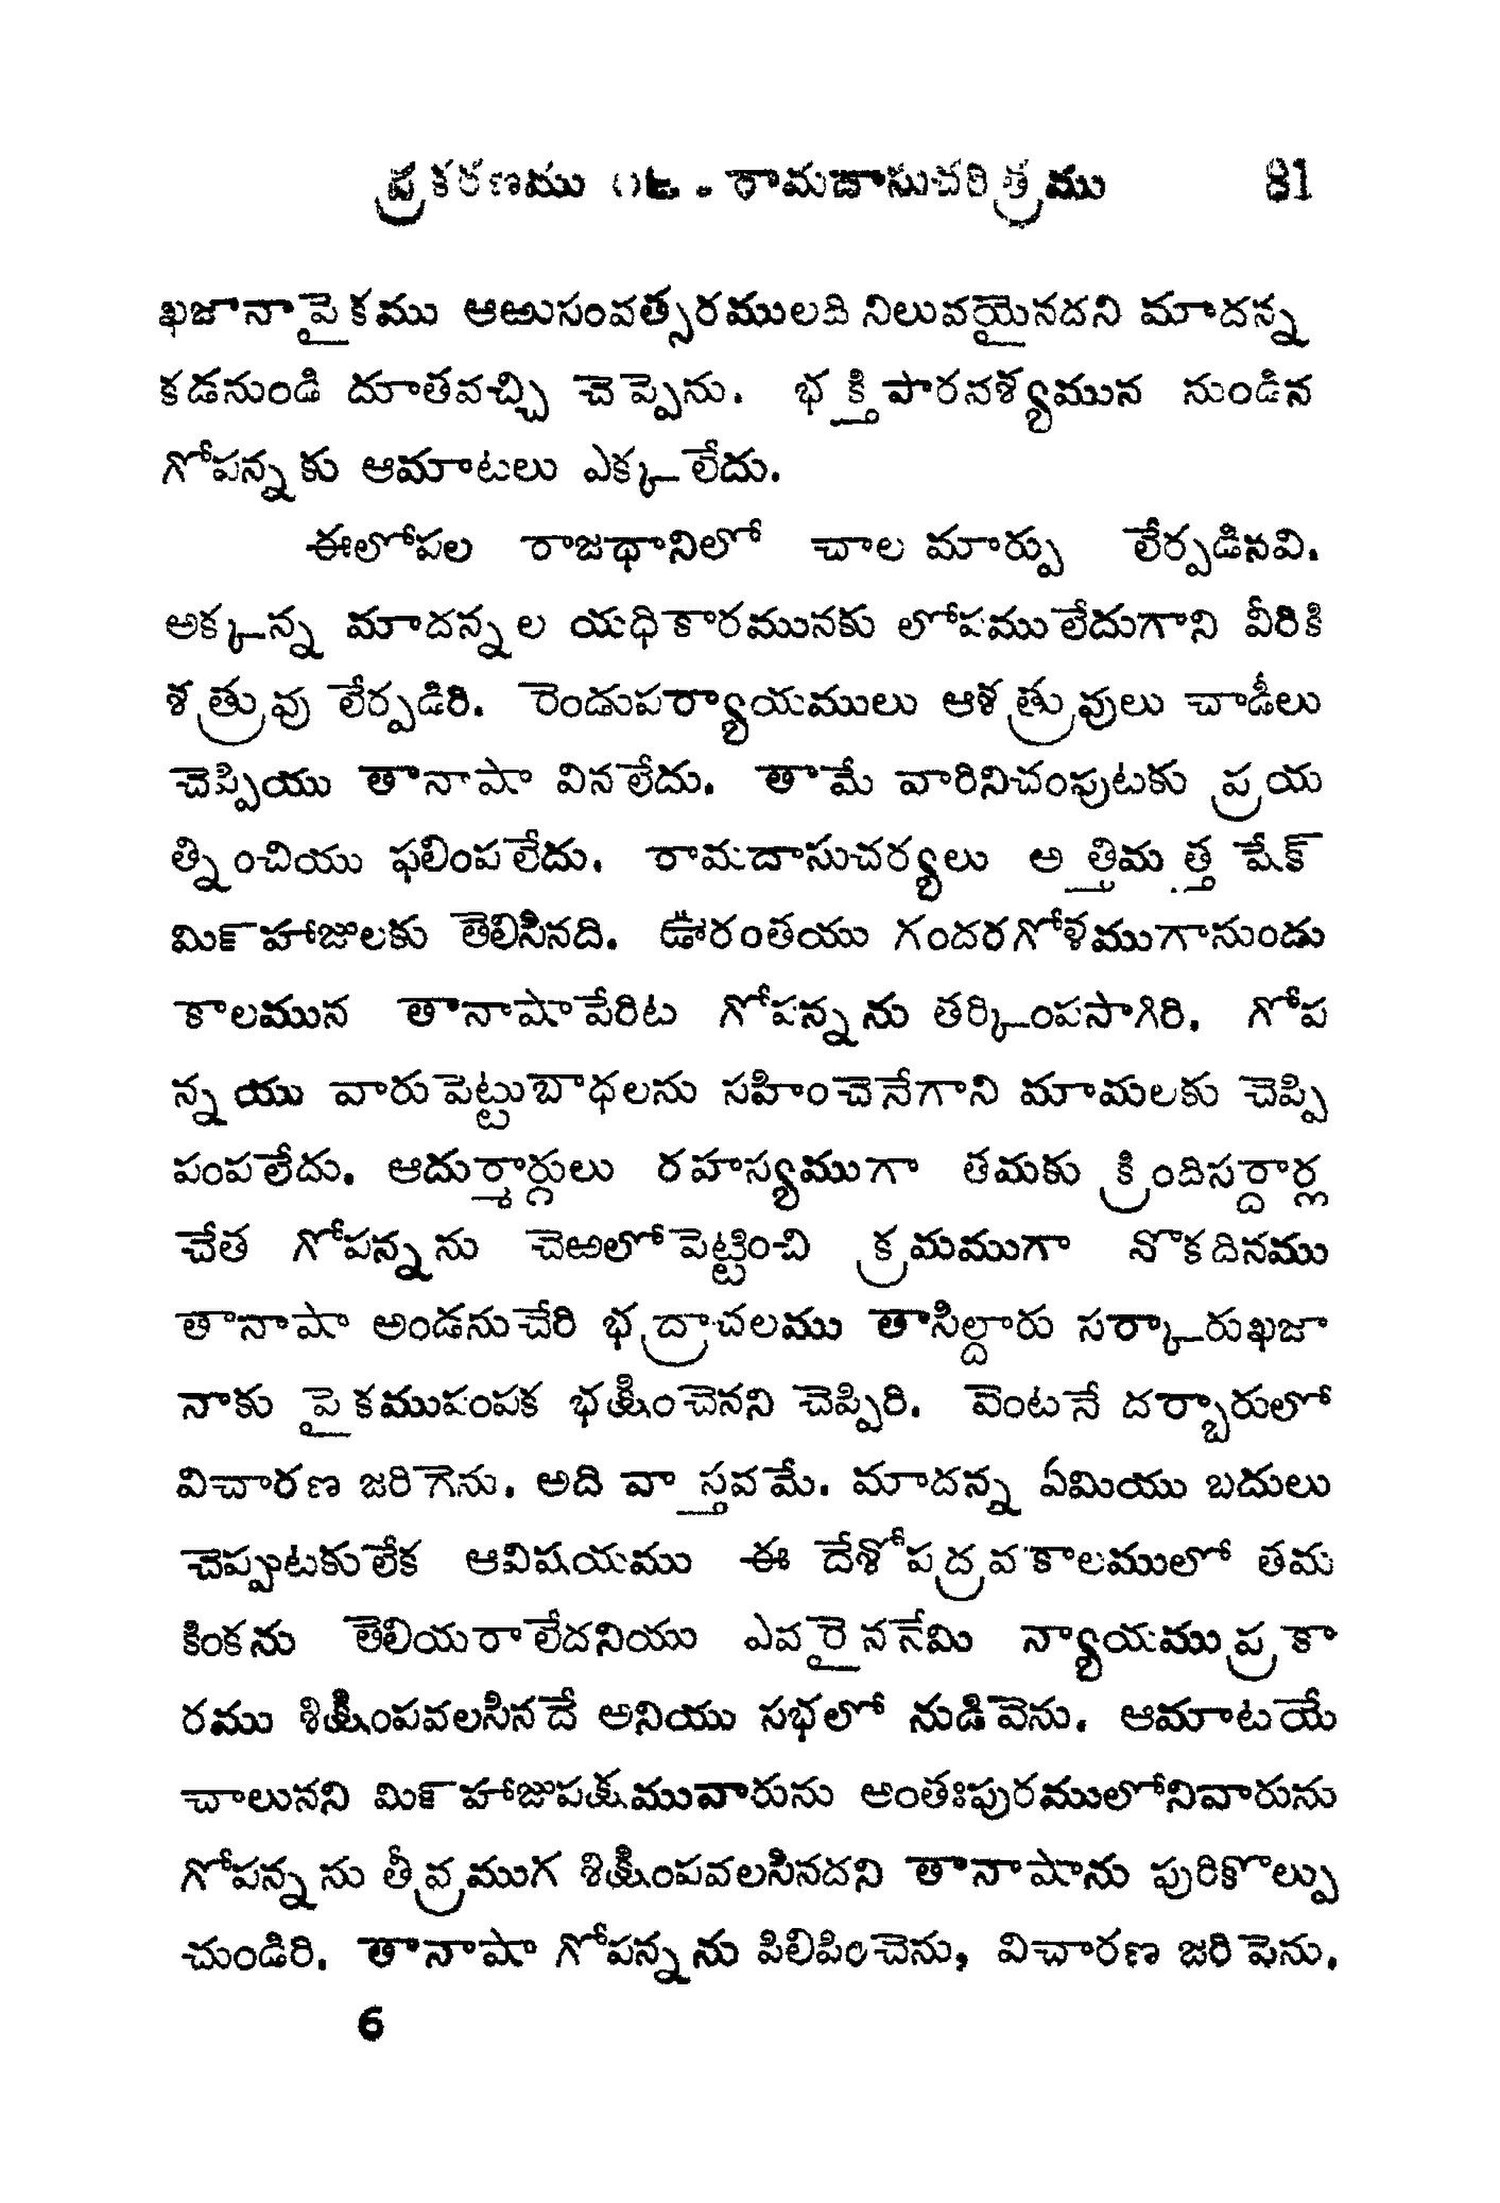ఖజానాపైకము ఆఱుసంవత్సరములది నిలువయైనదని మాదన్న కడనుండి దూతవచ్చి చెప్పెను. భక్తిపారవశ్యమున నుండిన గోపన్నకు ఆమాటలు ఎక్కలేదు.

ఈలోపల రాజధానిలో చాల మార్పు లేర్పడినవి. అక్కన్న మాదన్నల యధికారమునకు లోపములేదుగాని వీరికి శత్రువు లేర్పడిరి. రెండుపర్యాయములు ఆశత్రువులు చాడీలు చెప్పియు తానాషా వినలేదు. తామే వారినిచంపుటకు ప్రయత్నించియు ఫలింపలేదు. రామదాసుచర్యలు అత్తిమత్త షేక్ మిౝహాజులకు తెలిసినది. ఊరంతయు గందరగోళముగానుండు కాలమున తానాషాపేరిట గోపన్నను తర్కింపసాగిరి. గోపన్నయు వారుపెట్టుబాధలను సహించెనేగాని మామలకు చెప్పి పంపలేదు. ఆదుర్మార్గులు రహస్యముగా తమకు క్రిందిసర్దార్ల చేత గోపన్నను చెఱలోపెట్టించి క్రమముగా నొకదినము తానాషా అండనుచేరి భద్రాచలము తాసిల్దారు సర్కారుఖజానాకు పైకముపంపక భక్షించెనని చెప్పిరి. వెంటనే దర్బారులో విచారణ జరిగెను. అది వాస్తవమే. మాదన్న ఏమియు బదులు చెప్పటకులేక ఆవిషయము ఈ దేశోపద్రవకాలములో తమ కింకను తెలియరాలేదనియు ఎవరైననేమి న్యాయముప్రకారము శిక్షింపవలసినదే అనియు సభలో నుడివెను. ఆమాటయే చాలునని మిౝహాజుపక్షమువారును అంతఃపురములోనివారును గోపన్నను తీవ్రముగ శిక్షింపవలసినదని తానాషాను పురికొల్పుచుండిరి. తానాషా గోపన్నను పిలిపించెను, విచారణ జరిపెను.
6